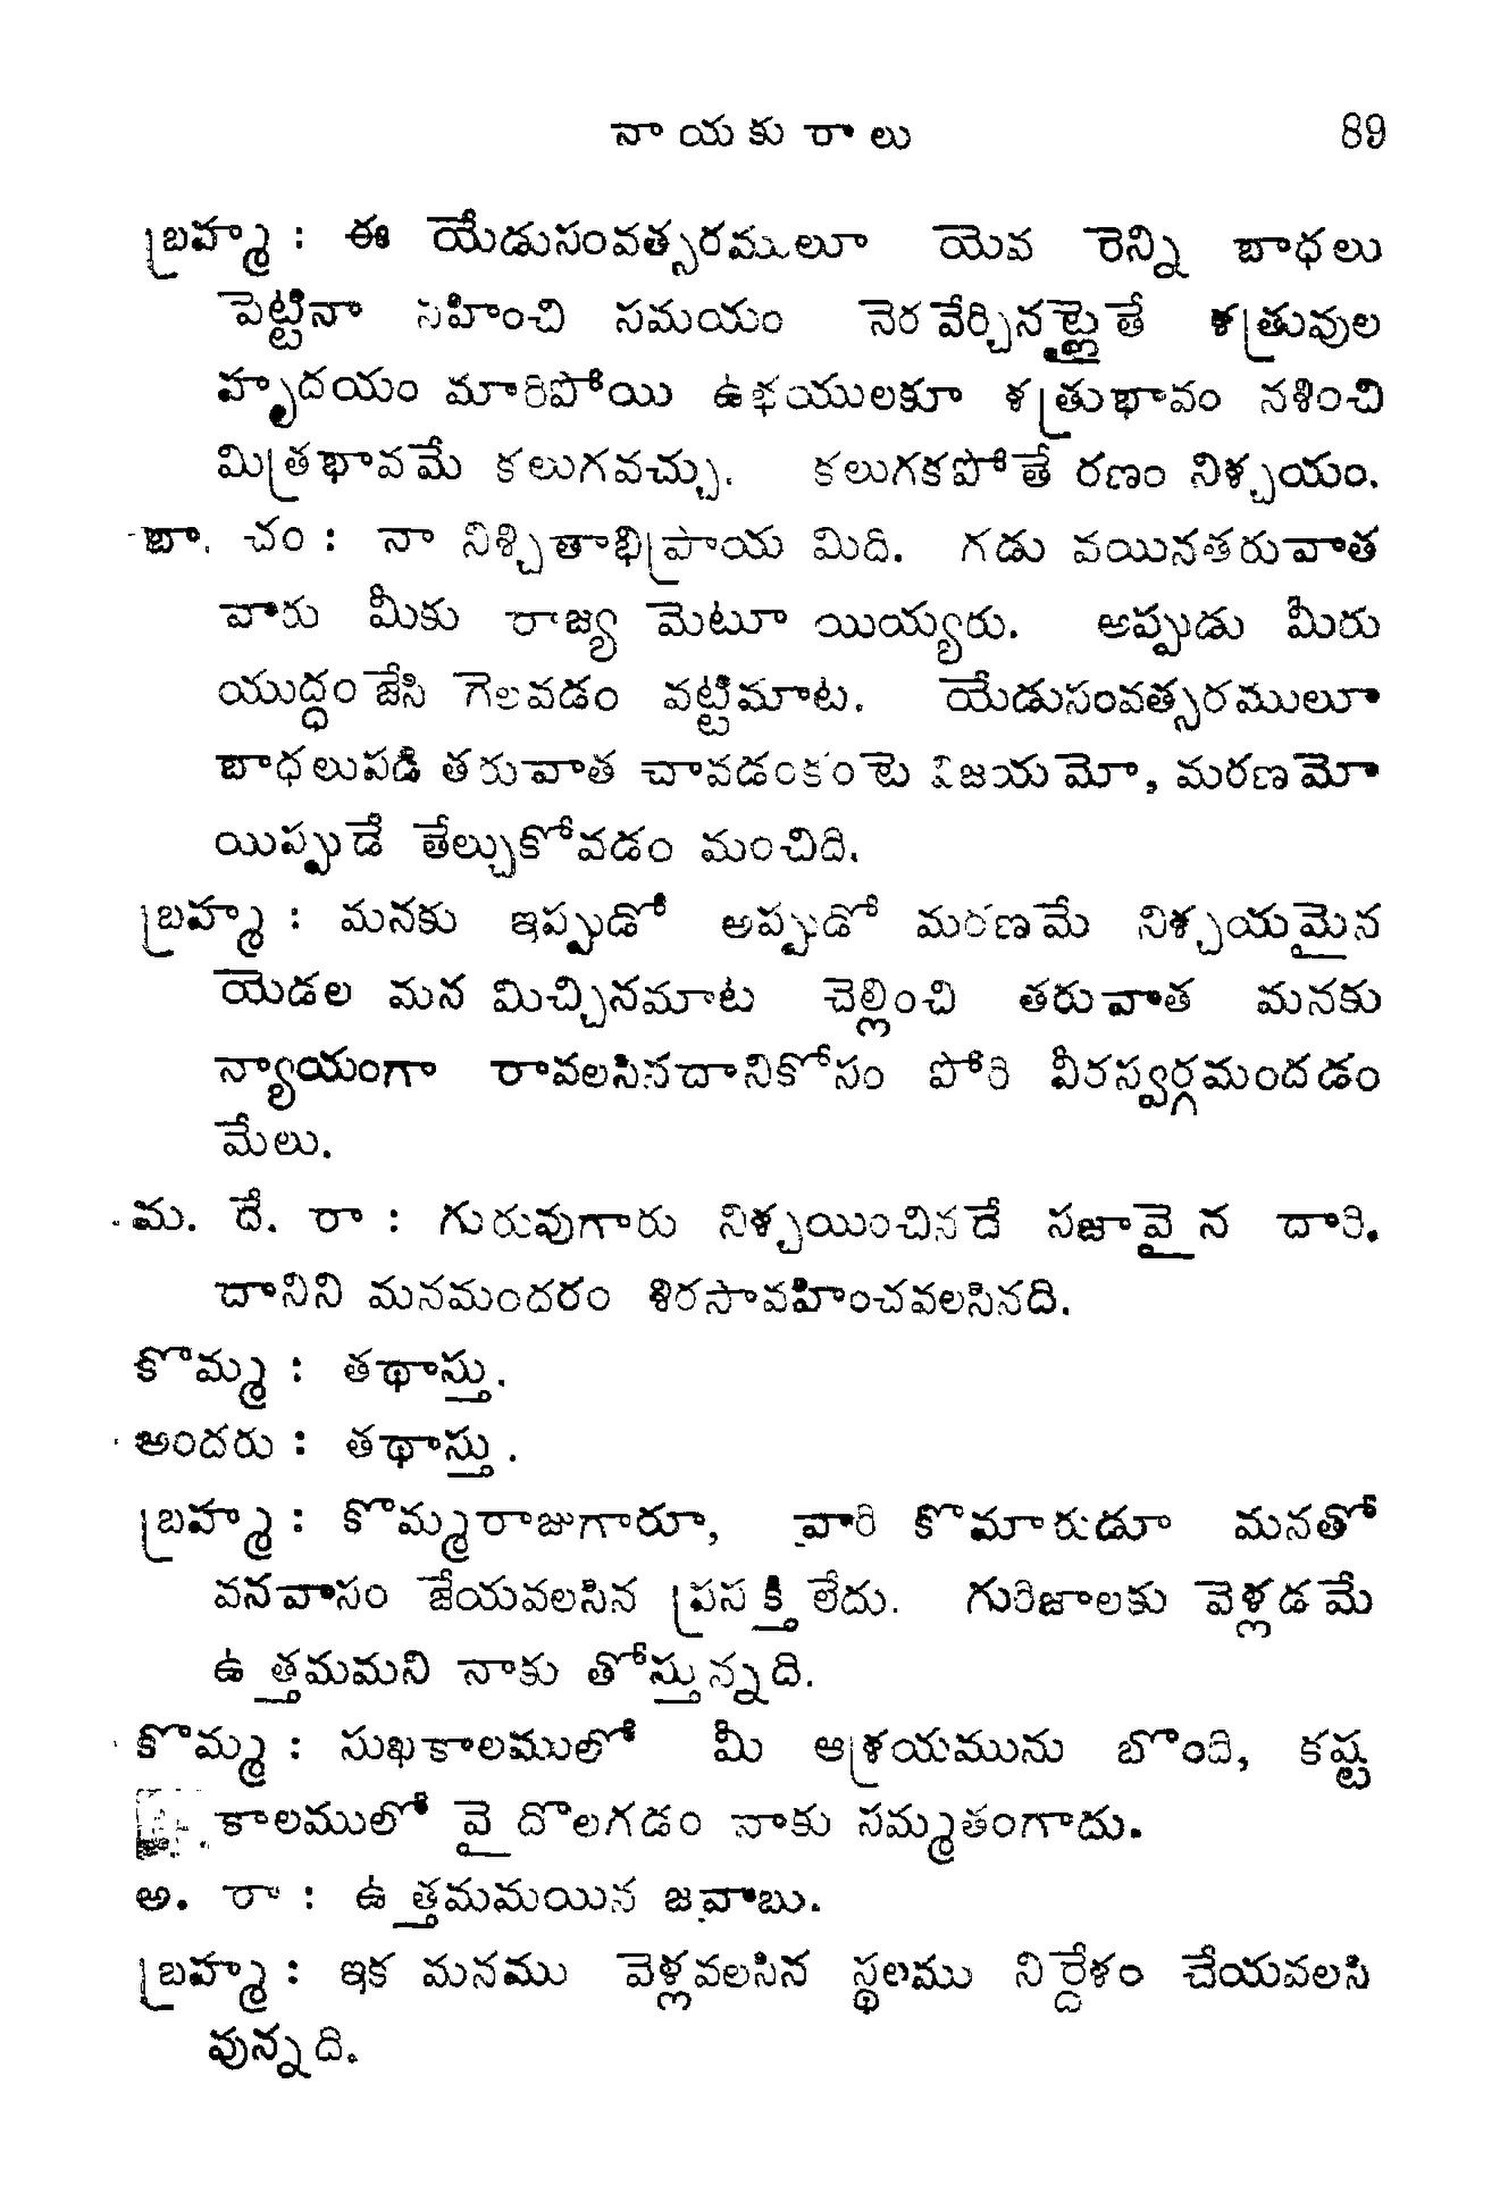బ్రహ్మ : ఈ యేడుసంవత్సరములూ యెవ రెన్ని బాధలు పెట్టినా సహించి సమయం నెరవేర్చినట్లైతే శత్రువుల హృదయం మారిపోయి ఉభయులకూ శత్రుభావం నశించి మిత్రభావమే కలుగవచ్చు. కలుగకపోతే రణం నిశ్చయం.

బా. చం : నా నిశ్చితాభిప్రాయ మిది. గడు వయినతరువాత వారు మీకు రాజ్య మెటూ యియ్యరు. అప్పుడు మీరు యుద్ధంజేసి గెలవడం వట్టిమాట. యేడుసంవత్సరములూ బాధలుపడి తరువాత చావడంకంటె జయమో, మరణమో యిప్పుడే తేల్చుకోవడం మంచిది.

బ్రహ్మ : మనకు ఇప్పుడో అప్పుడో మరణమే నిశ్చయమైన యెడల మన మిచ్చినమాట చెల్లించి తరువాత మనకు న్యాయంగా రావలసినదానికోసం పోరి వీరస్వర్గమందడం మేలు.

మ. దే. రా : గురువుగారు నిశ్చయించినదే జావైన దారి. దానిని మనమందరం శిరసావహించవలసినది.

కొమ్మ : తథాస్తు,

అందరు : తథాస్తు .

బ్రహ్మ: కొమ్మరాజుగారూ, వారి కొమారుడూ మనతో వనవాసం జేయవలసిన ప్రసక్తిలేదు. గురిజాలకు వెళ్లడమే ఉత్తమమని నాకు తోస్తున్నది.

కొమ్మ : సుఖకాలములో మీ ఆశ్రయమును బొంది, కష్టకాలములో వైదొలగడం నాకు సమ్మతంగాదు.

అ. రా : ఉత్తమమయిన జవాబు.
బ్రహ్మ : ఇక మనము వెళ్లవలసిన స్థలము నిర్దేశం చేయవలసి వున్నది.